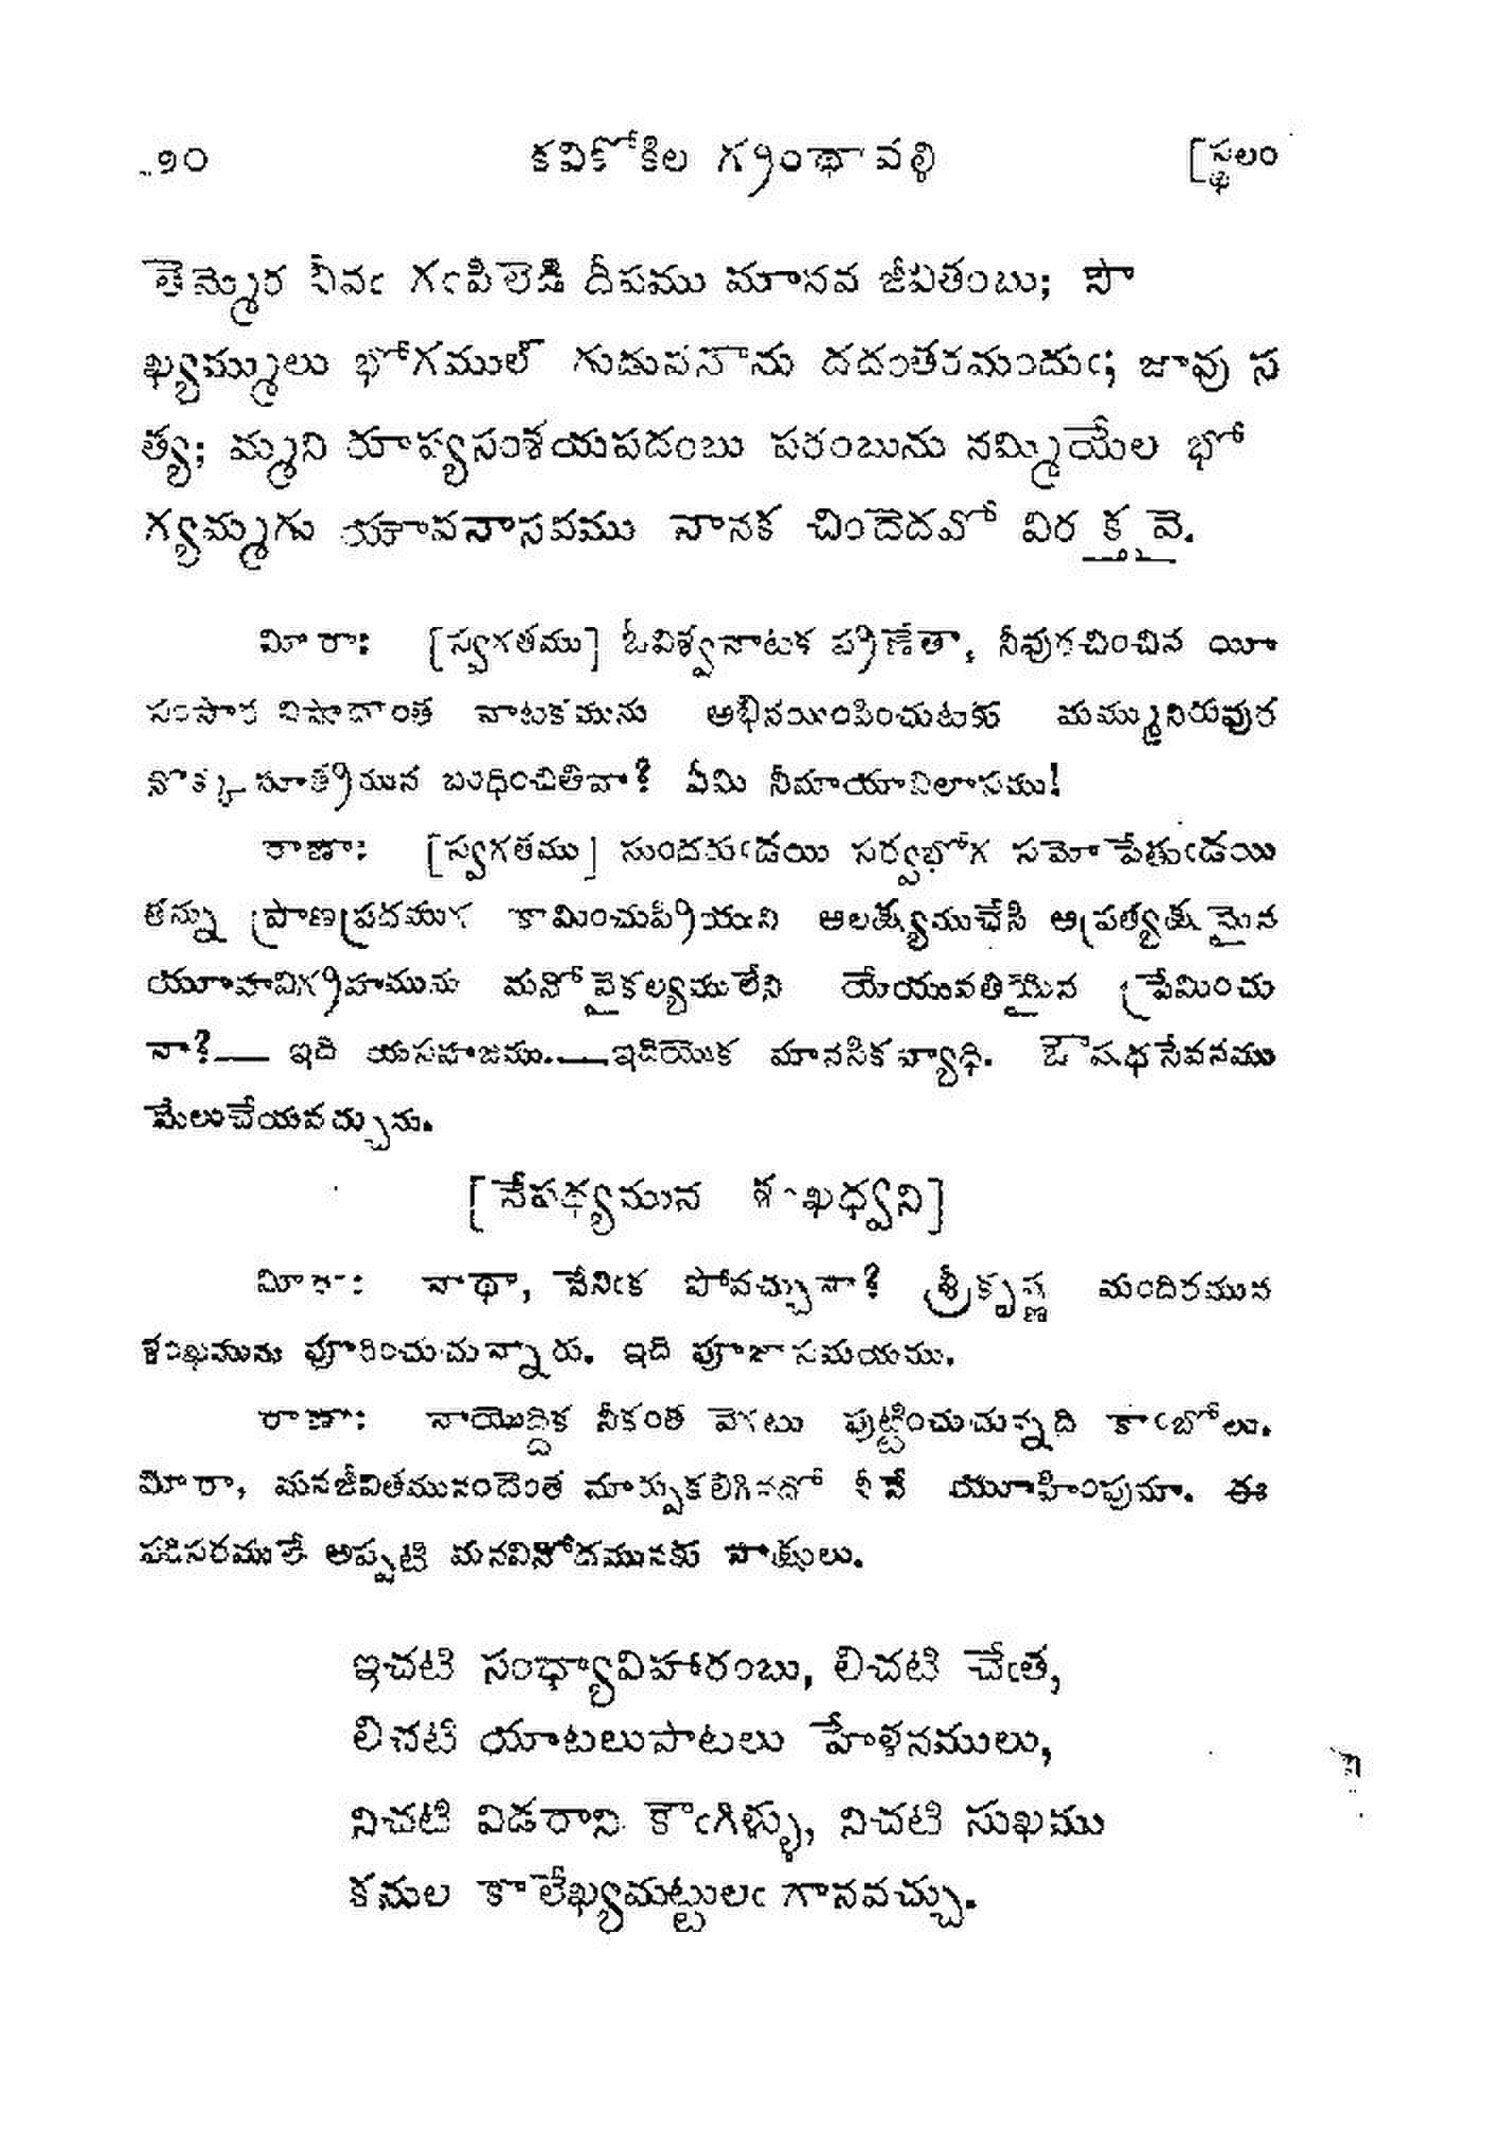తెమ్మెర వీవఁ గఁపిలెడి దీపము మానవ జీవితంబు; సౌ
 ఖ్యమ్ములు భోగముల్ గుడువనౌను దదంతరమందుఁ; జావు స
 త్య; మ్మని రూప్యసంశయపదంబు పరంబును నమ్మియేల భో
 గ్యమ్మగు యౌవనాసవము నానక చిందెదవో విరక్తవై.

మీరా : [స్వగతము] ఓవిశ్వనాటక ప్రణేతా, నీవురచించిన యీ సంసార విషాదాంత నాటకమును అభినయింపించుటకు మమ్మునిరువుర నొక్కమాత్రమున బంధించితివా ? ఏమి నీమాయావిలాసము !

రాణా : [స్వగతము] సుందరుఁడయి సర్వభోగ సమో పేతుఁడయి తన్ను ప్రాణప్రదముగ కామించుప్రియుని అలక్ష్యముచేసి అప్రత్యక్షమైన యూహవిగ్రహమును మనోవైకల్యములేని యేయువతియైన ప్రేమించునా ? - ఇది యసహజము. - ఇదియొక మానసిక వ్యాధి. ఔషధసేవనము మేలుచేయవచ్చును.

మీరా : నాథా, నేనిఁక పోవచ్చునా ? శ్రీ కృష్ణ మందిరమున శంఖమును పూరించుచున్నారు. ఇది పూజాసమయము.

రాణా : నాయొద్దిక నీకంత వెగటు పుట్టించుచున్నది కాఁబోలు. మీరా, మనజీవితమునందెంత మార్పుకలిగినదో నీవే యూహింపుమా. ఈ పరిసరములే అప్పటి మనవినోదమునకు సాక్షులు.

 ఇచటి సంధ్యావిహారంబు, లిచటి చేఁత,
 లిచటి యాటలుపాటలు హేళనములు,
 నిచటి విడరాని కౌఁగిళ్ళు, నిచటి సుఖము
 కనుల కాలేఖ్యమట్టులఁ గానవచ్చు.